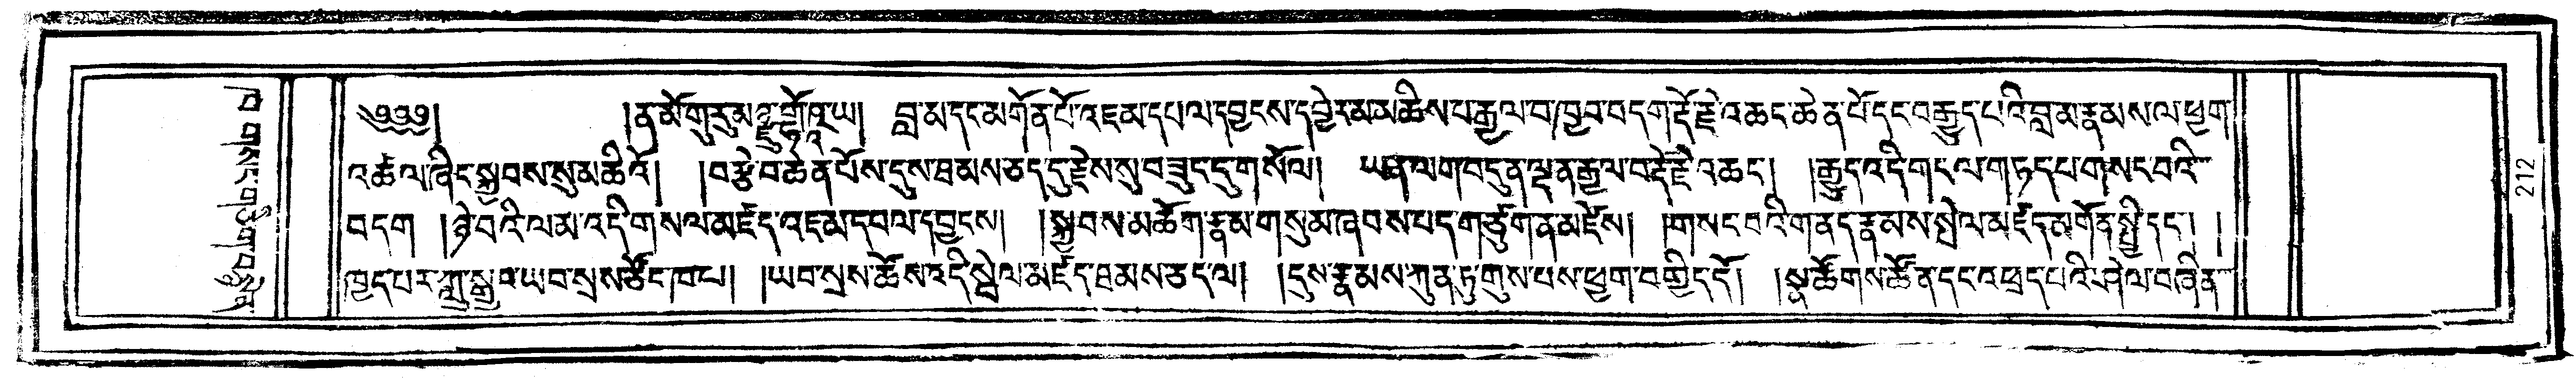༄༅༅། །ན་མོ་གུ་རུ་མཉྫུ་གྷོ་ཥཱ་ཡ། བླ་མ་དང་མགོན་པོ་འཇམ་དཔལ་དབྱངས་དབྱེར་མ་མཆིས་པ་རྒྱལ་བ་ཁྱབ་བདག་རྡོ་རྗེ་འཆང་ཆེན་པོ་དང་བརྒྱུད་པའི་བླ་མ་རྣམས་ལ་ཕྱག་
འཚལ་ཞིང་སྐྱབས་སུ་མཆིའོ། །བརྩེ་བ་ཆེན་པོས་དུས་ཐམས་ཅད་དུ་རྗེས་སུ་བཟུང་དུ་གསོལ། ཡན་ལག་བདུན་ལྡན་རྒྱལ་བ་རྡོ་རྗེ་འཆང་། །རྒྱུད་འདི་གང་ལ་གཏད་པ་གསང་བའི་
བདག །ཉེ་བའི་ལམ་འདི་གསལ་མཛད་འཇམ་དཔལ་དབྱངས། །སྐྱབས་མཆོག་རྣམ་གསུམ་ཞབས་པད་གཙུག་ན་མཛེས། །གསང་བའི་གནད་རྣམས་སྤེལ་མཛད་མགོན་སྤྱི་དང་། །
ཁྱད་པར་ཀླུ་སྒྲུབ་ཡབ་སྲས་ཙོང་ཁ་པ། །ཡབ་སྲས་ཚོས་འདི་སྤེལ་མཛད་ཐམས་ཅད་ལ། །དུས་རྣམས་ཀུན་ཏུ་གུས་པས་ཕྱག་བགྱིད་དོ། །སྣ་ཚོགས་ཚོན་དང་འཕྲད་པའི་ཤེལ་བཞིན་